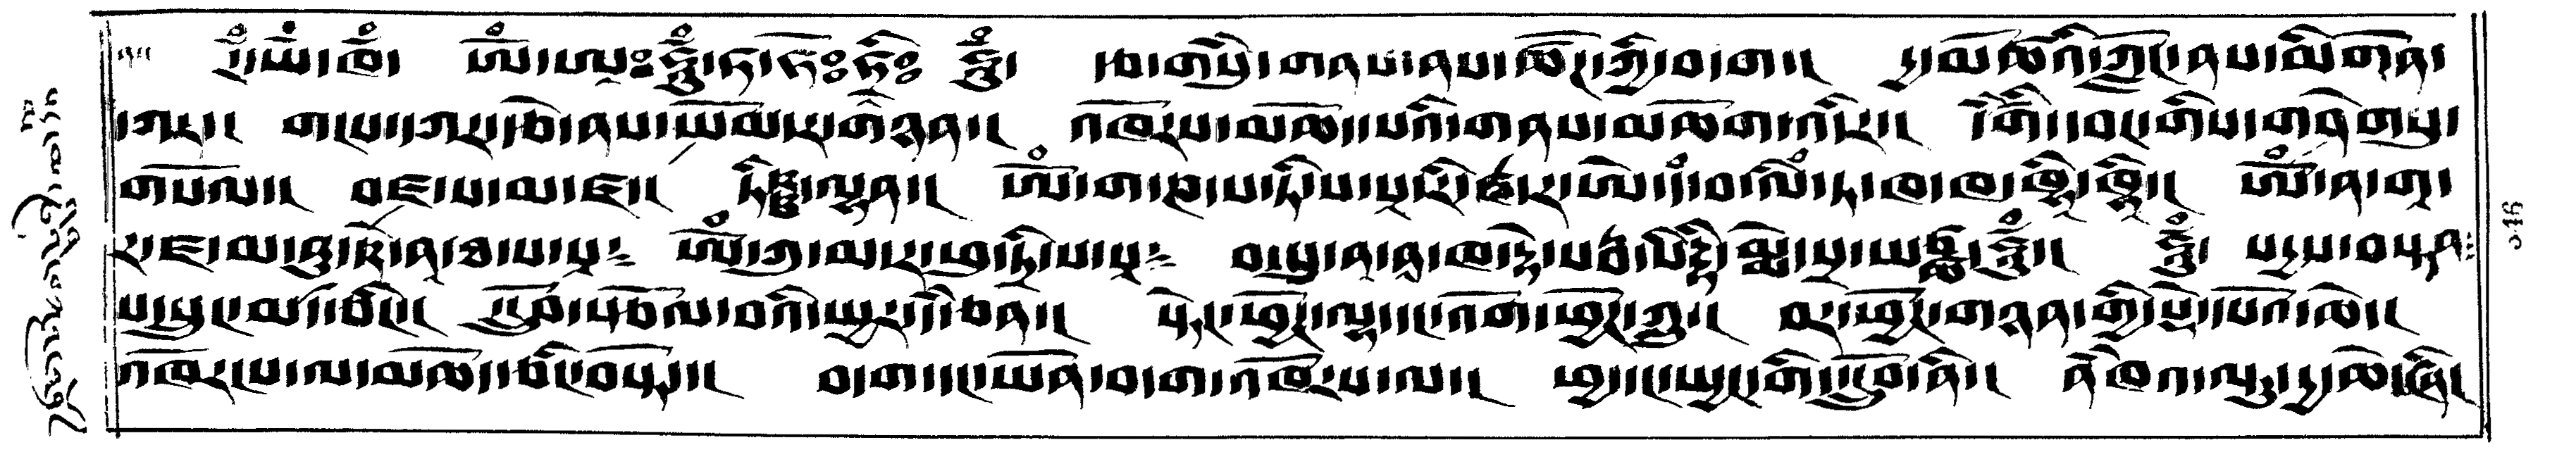ན། རྃ་ཡྃ་ཁྃ། ཨོཾ་ཨཱཿཧཱུྃ་ཧ་ཧོ་ཿཧྲཱིཿ ཧཱུྃ། རྩ་གསུམ་གནས་ནས་ཚོགས་ཀྱི་བདག །རྒྱ་མཚོའི་ཀློང་ནས་མི་མགོན་
དཀར། །གངས་དཀར་རྩེ་ནས་སྤོམ་ར་གཉན། །འཁོར་བཅས་མཆོད་པའི་གནས་མཆོག་འདིར། །དམ་ཚིག་དབང་གིས་གཤེགས་སུ་
གསོལ། །བཛྲ་ས་མ་ཛ། ཏིཥྛ་ལྷན། ཨོཾ་ག་ཎ་པ་ཏི་ས་པཱ་རི་ཝ་ར་ཨེ་དཾ་བ་ལི་ཏཾ་ཁ་ཁ་ཁཱ་ཧི་ཁཱ་ཧི། ཨོཾ་ན་གཱ་
ར་ཛ་མ་ནུ་རེ་ནཱ་ཐ་ས་པ༴ ཨོཾ་ཀུ་མ་ར་ཕུ་ཏྲི་ས་པ༴ བ་སུ་ནཱ་ནཱ་ཁ་དྷེ་སརྦ་སིདྡྷི་མྨེ་པྲ་ཡཙྪ་ཧཱུྃ། ཧཱུྃ། སངས་རྒྱས་བསྟན་
པ་སྲུང་མཛད་ཅིང་། །དངོས་གྲུབ་སྩོལ་བའི་གཡར་དམ་ཅན། །སྟེང་ཕྱོགས་ལྷ་དང་འོག་ཕྱོགས་ཀླུ། །བར་ཕྱོགས་གཉན་གྱི་སྡེ་དཔོན་ཆེ། །
འཁོར་དང་བཅས་ལ་མཆོད་ཅིང་བསྟོད། །བདག་དང་ཡོན་བདག་འཁོར་བཅས་ལ། །ཕྱྭ་དང་གཡང་གི་དངོས་གྲུབ་ནི། །ནམ་མཁའ་ལྟ་བུར་རྒྱ་ཆེ་ཞིང་།